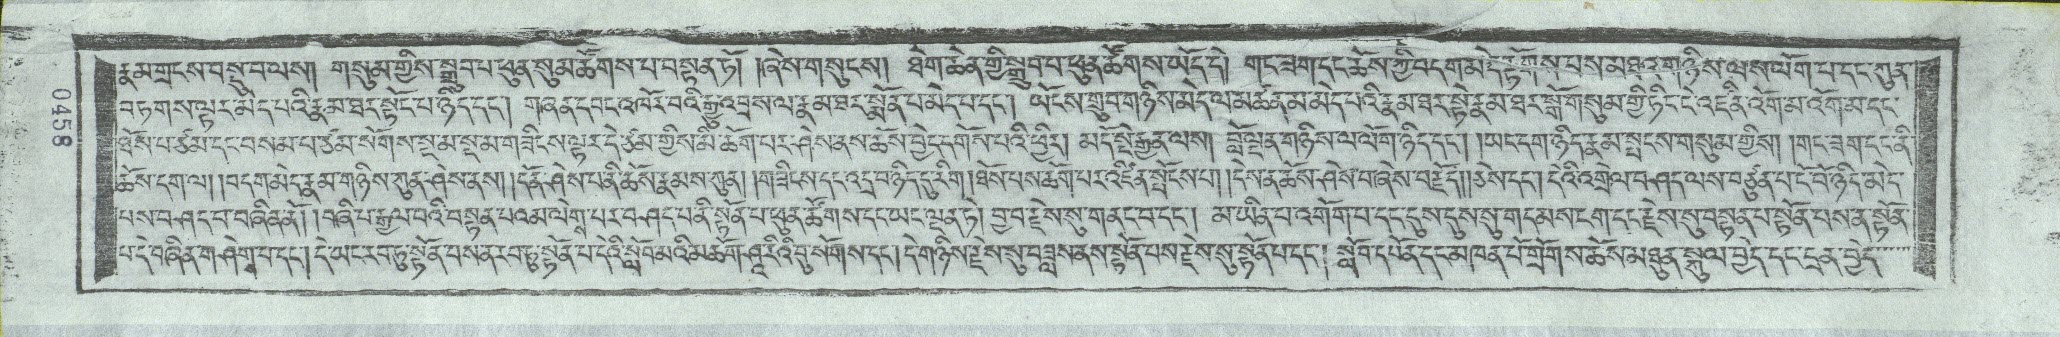རྣམ་གྲངས་བསྡུ་བ་ལས། གསུམ་གྱིས་སྒྲུབ་པ་ཕུན་སུམ་ཚོགས་པ་བསྟན་ཏོ། །ཞེས་གསུངས། ཐེག་ཆེན་གྱི་སྒྲུབ་པ་ཕུན་ཚོགས་ཡོད་དེ། གང་ཟག་དང་ཆོས་ཀྱི་བདག་མེད་རྟོགས་པས་མཐའ་གཉིས་ལས་ལོག་པ་དང་ཀུན་
བཏགས་ལྟར་མེད་པའི་རྣམ་ཐར་སྟོང་པ་ཉིད་དང་། གཞན་དབང་འཁོར་བའི་རྒྱུ་འབྲས་ལ་རྣམ་ཐར་སྨོན་པ་མེད་པ་དང་། ཡོངས་གྲུབ་གཉིས་མེད་ལ་མཚན་མ་མེད་པའི་རྣམ་ཐར་སྟེ་རྣམ་ཐར་སྒོ་གསུམ་གྱི་ཏིང་ངེ་འཛིན་འོག་མ་འོག་མ་དང་
ཐོས་པ་ཙམ་དང་བསམ་པ་ཙམ་སོགས་སྡམ་སྡམ་གཟིངས་ལྟར་དེ་ཙམ་གྱིས་མི་ཆོག་པར་ཤེས་ནས་ཆོས་བྱེད་དགོས་པའི་ཕྱིར། མདོ་སྡེ་རྒྱན་ལས། བློ་ལྡན་གཉིས་ལ་ལོག་ཉིད་དང་། །ཡང་དག་ཉིད་རྣམ་སྤངས་གསུམ་གྱིས། །གང་ཟག་དང་ནི་
ཆོས་དག་ལ། །བདག་མེད་རྣམ་གཉིས་ཀུན་ཤེས་ནས། །དོན་ཤེས་པ་ནི་ཆོས་རྣམས་ཀུན། །གཟིངས་དང་འདྲ་བ་ཉིད་དུ་རིག །ཐོས་པས་ཆོག་པར་འཛིན་སྤོངས་པ། །དེས་ན་ཆོས་ཤེས་པ་ཞེས་བརྗོད། །ཅེས་དང་། དེའི་འགྲེལ་བཤད་ལས་བཙུན་པ་ངོ་བོ་ཉིད་མེད་
པས་བཤད་བ་བཞིན་ནོ། །བཞི་པ་རྒྱལ་བའི་བསྟན་པའམ་ལེགས་པར་བཤད་པ་ནི་སྟོན་པ་ཕུན་ཚོགས་དང་ཡང་ལྡན་ཏེ། བྱ་བ་རྗེས་སུ་གནང་བ་དང་། མ་ཡིན་པ་འགོག་པ་དང་དུས་དུས་སུ་གདམས་ངག་དང་རྗེས་སུ་བསྟན་པ་སྟོན་པས་ན་སྟོན་
པ་དེ་བཞིན་གཤེགས་པ་དང་། དེ་ཡང་རབ་ཏུ་སྟོན་བས་ན་རབ་ཏུ་སྟོན་པ་དེའི་སློབ་མའི་མཆོག་ཤཱ་རིའི་བུ་སོགས་དང་། དེ་གཉིས་རྗེས་སུ་བཟླས་ནས་སྟོན་པས་རྗེས་སུ་སྟོན་པ་དང་། སློབ་དཔོན་དང་མཁན་པོ་གྲོགས་ཆོས་མཐུན་སྐུལ་བྱེད་དང་དྲན་བྱེད་